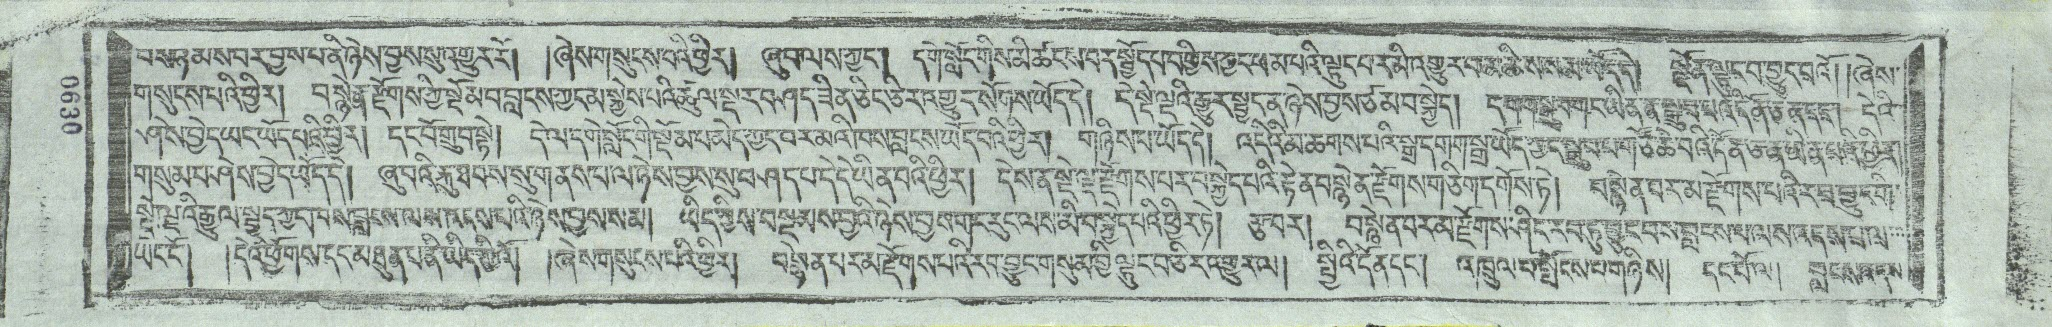བས་ཉམས་པར་བྱས་པ་ནི་ཉེས་བྱས་སུ་འགྱུར་རོ། །ཞེས་གསུངས་པའི་ཕྱིར། ཞུ་བ་ལས་ཀྱང་། དགེ་སློང་གིས་མི་ཚངས་པར་སྤྱོད་པ་བགྱིས་ཀྱང་ཕམ་པའི་ལྟུང་པར་མི་འགྱུར་བ་མཆིས་སམ་ཡོད་དེ། སྔོན་ལྟུང་བ་བྱུང་བའོ། །ཞེས་
གསུངས་པའི་ཕྱིར། བསྙེན་རྫོགས་ཀྱི་སྡོམ་པ་བླངས་ཀྱང་མ་སྐྱེས་པའི་ཚུལ་སྔར་བཤད་ཟིན་ཅིང་ཅིར་འགྱུར་སོགས་ཡོད་དེ། དེ་སྡེ་ལྔའི་རྒྱུར་སྤྱད་ན་ཉེས་བྱས་ཙམ་བསྐྱེད། དགག་སྒྲུབ་གང་ཡིན་ན་སྒྲུབ་པའི་དོན་ཅན་དང་། དེའི་
ཤེས་བྱེད་ཡང་ཡོད་པའི་ཕྱིར། དང་པོ་གྲུབ་སྟེ། དེ་ལ་དགེ་སློང་གི་སྡོམ་པ་མེད་ཀྱང་བར་མའི་ཁས་བླངས་ཡོད་པའི་ཕྱིར། གཉིས་པ་ཡོད་དེ། འདིའི་མ་ཆགས་པའི་སྒྲ་དགག་སྒྲ་ཡོད་ཀྱང་སྒྲུབ་པ་གཙོ་ཆེ་བའི་དོན་ཅན་ཡིན་པའི་ཕྱིར།
གསུམ་པ་ཤེས་བྱེད་ཡོད་དེ། ཞུ་བའི་རྐུ་ཐབས་སུ་གནས་པ་ལ་ཉེས་བྱས་སུ་བཤད་པ་དེ་དེ་ཡིན་པའི་ཕྱིར། དེས་ན་སྡེ་ལྔ་རྫོགས་པར་བསྐྱེད་པའི་རྟེན་བསྙེན་རྫོགས་གཅིག་དགོས་ཏེ། བསྙེན་པར་མ་རྫོགས་པའི་རབ་བྱུང་གི་
སྡེ་ལྔའི་རྒྱུ་ལ་སྤྱད་ཀྱང་ཁས་བླངས་ལས་འདས་པའི་ཉེས་བྱས་སམ། ཡིད་ཀྱིས་བསྡམས་བྱའི་ཉེས་བྱས་གང་རུང་ལས་མི་བསྐྱེད་པའི་ཕྱིར་ཏེ། རྩ་བར། བསྙེན་པར་མ་རྫོགས་ཤིང་རབ་ཏུ་བྱུང་བས་བླངས་པ་ལས་འདས་པ་ལ་
ཡང་ངོ། །དེའི་ཕྱོགས་དང་མཐུན་པ་ནི་ཡིད་ཀྱིའོ། །ཞེས་གསུངས་པའི་ཕྱིར། བསྙེན་པར་མ་རྫོགས་པའི་རབ་བྱུང་གསུམ་གྱི་ལྟུང་བ་ཅིར་འགྱུར་ལ། སྤྱིའི་དོན་དང་། འཁྲུལ་བ་སྤོངས་པ་གཉིས། དང་པོ་ལ། བླངས་འདས་